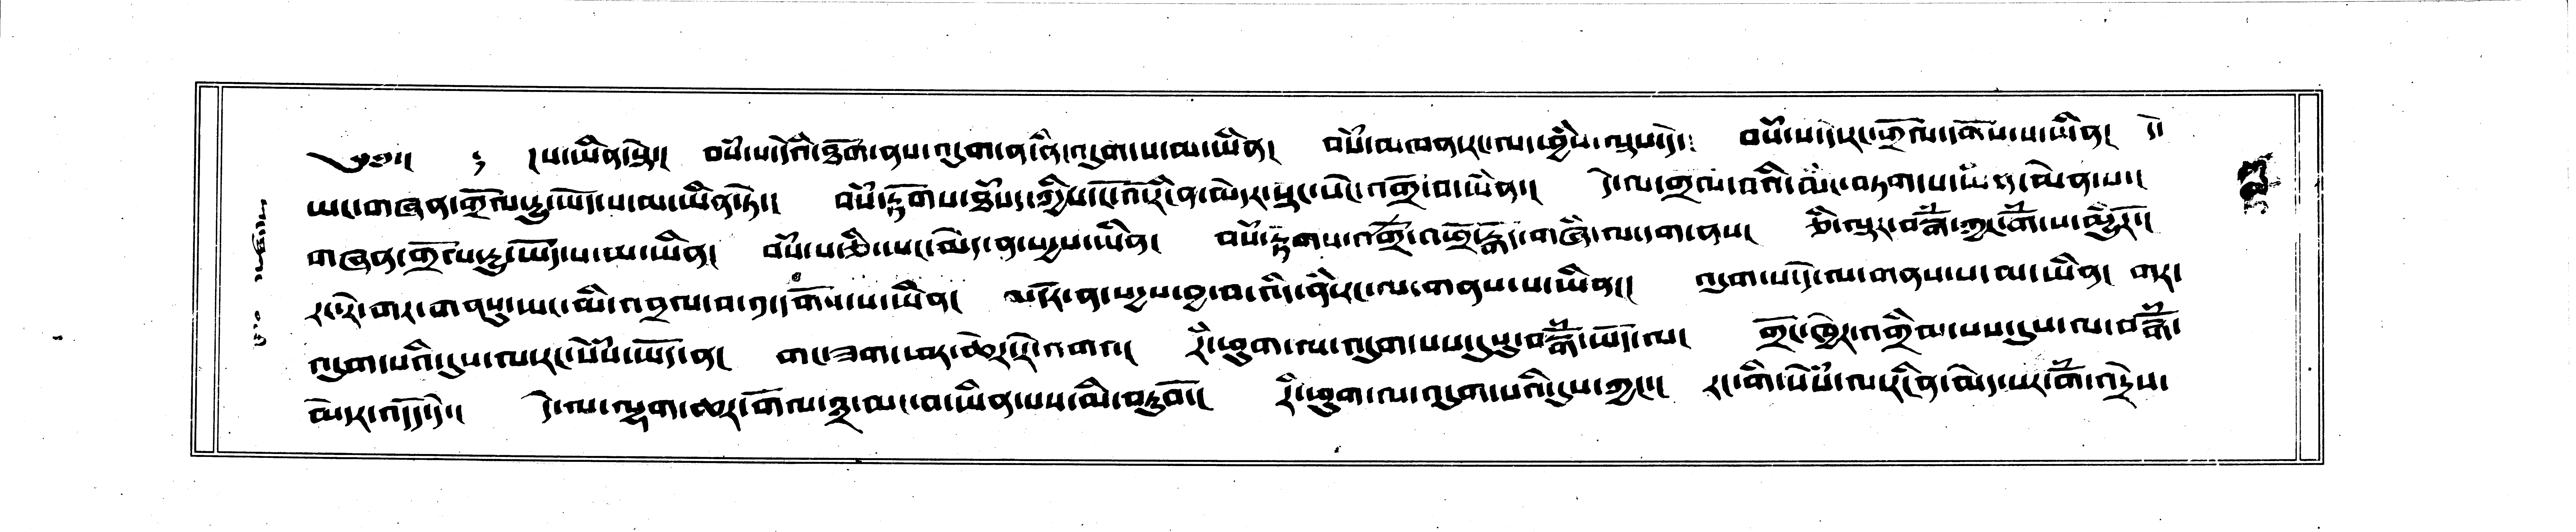པ་ཡིན་ཏེ། བསམ་པ་དེའི་ཐོག་ན་འདུག་པ་ནི་མ་ཡིན། བསམ་མཁན་རང་ལ་ཕྱིར་བལྟས་ཏེ། བསམ་པ་རང་སར་གྲོལ་དགོས་པ་ཡིན། དེ་
ཡང་གཞན་གྲོལ་རྒྱུ་ཡོད་པ་མ་ཡིན་ཏེ། བསམ་རྟོགས་ཐམས་ཅད་ཀྱིས་རང་བཞིན་ལ་ངོའོ་མེད་དེ། སྟོང་སང་ངེ་འགྲོ་བ་ཡིན། དེ་ལ་གྲོལ་བའི་མིང་བཏག་པ་ཡིན་པ། 
གཞན་གྲོལ་རྒྱུ་ཡོད་པ་མ་ཡིན། བསམ་པ་ཅི་ཡང་མེད་ན་སངས་རྒྱས་ཡིན། བསམ་རྟོག་འཕྲོ་རྒོད་གཞི་ལ་མ་དག་ན། ཅི་ལྟར་སྒོམས་ཀྱང་གོམ་པར་མི་གྱུར་རོ། 
རང་རེ་གར་འདུག་པའི་གནས་སུ་ཡང་། མི་འབྲལ་བ་ཅིག་ཡོད་དགོས་པ་ཡིན། མདོར་ན་སངས་རྒྱས་བྱ་བ་འདི་ནི་རང་ལ་གནས་པ་ཡིན། འདུག་པའི་ས་དེ་ལ་གནས་པ་མ་ཡིན། གར་
འདུག་པའི་དུས་ལ། རང་ལ་སེམས་ནི་ཡོད་ན། གང་ཟག་ཕལ་ཆེས་རེས་གྷས་(འགས)། རི་ཕུག་ན་འདུག་པའི་དུས་ལ་སྒོམ་ཡོད་ལ། གྲོང་ཡུལ་འདྲིམ་༼འགྲིམ༽པའི་དུས་ལ་སྒོམ་
མེད་པར་འདོད་སྟེ། དེ་རྟག་ཆད་གོལ་གསུམ་མང་བ་ཡིན་པས་མི་བཏུབ་བོ། རི་ཕུག་ན་འདུག་པའི་དུས་ཀྱང་། རང་གིས་སེམས་ལ་རང་བཞིན་མེད་པར་གོམ་འདྲིས་